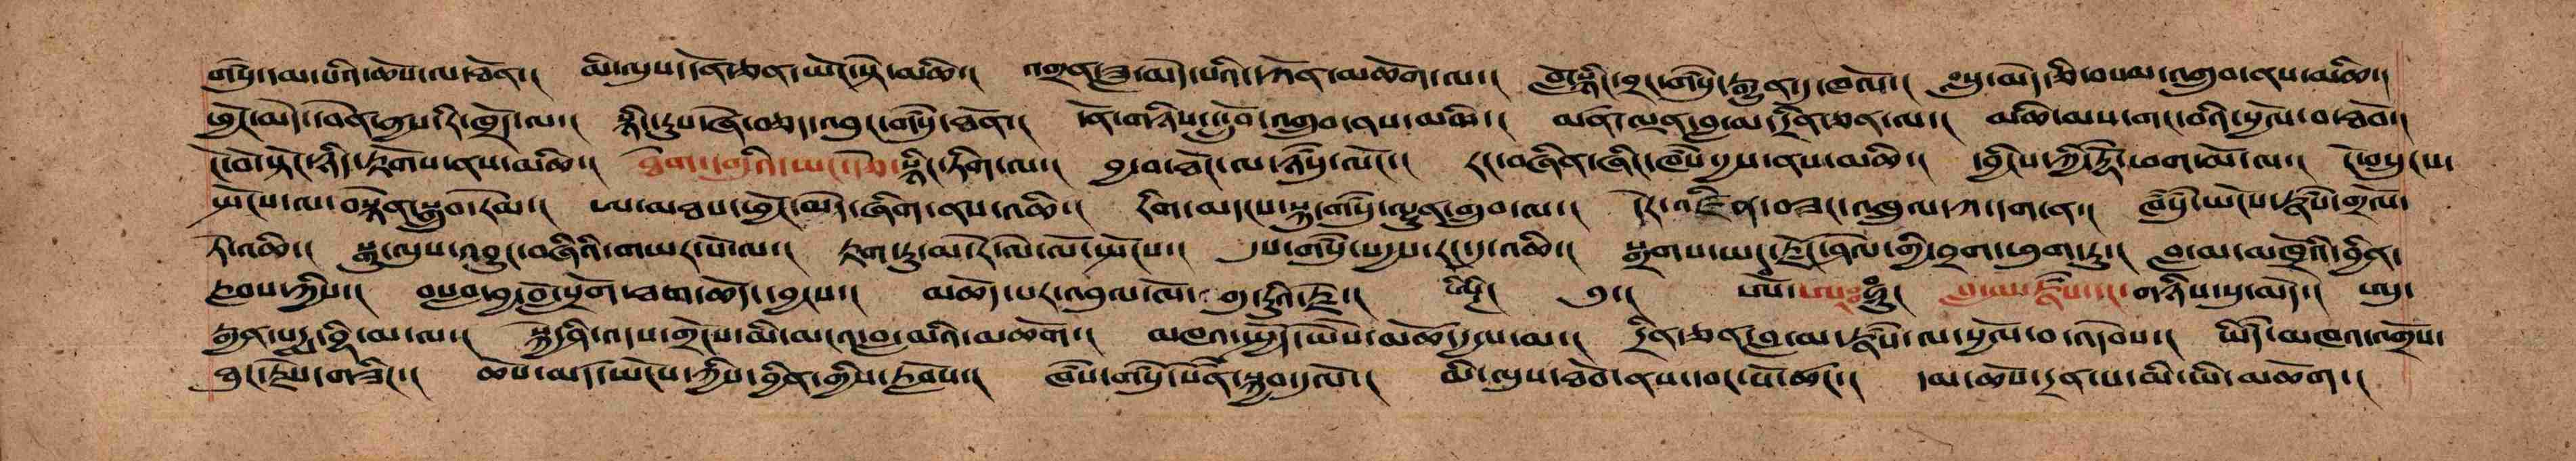གསུམ་དམ་པའི་ཆོས་ལ་ཐོན།། མི་ལུས་དོན་ཅན་ཡོང་སྟེ་མཆི།། འགྲན་ཟླ་མེད་པའི་དཀོན་མཆོག་ལ།། གློ་སྙིང་བྲང་གསུམ་རྒྱུན་དུ་ཁོལ།། བསླུ་མེད་ཅི་བསམ་འགྲུབ་ནས་མཆི།། 
ཕྱོགས་མེད་དབེན་གནས་རི་ཁྲོད་ལ།། སྙིང་རུས་ཞེ་བཅད་འབུམ་གསུམ་ཐོན།། དོན་གཉིས་དངོས་གྲུབ་འགྲུབ་ནས་མཆི།། མཚན་ལྡན་བླ་མ་དྲིན་ཅན་ལ།། མཆི་མས་གང་བའི་གསོལ་བ་ཐོབ།། 
ངོ་བོ་སྟོང་ཉིད་རྟོགས་ནས་མཆི།། ཐེག་དགུའི་ཡང་རྩེ་སྙིང་ཏིག་ལ།། བྱ་བ་ཐོང་ལ་ཉམས་སུ་ལོངས།། རང་བཞིན་ཞིང་ཁམས་རྒྱས་ནས་མཆི།། དབྱིངས་ཀྱི་རྡོ་རྗེ་ཕག་མོ་ལ།། ངོ་བསྲུང་
སྤོངས་ལ་བསྙེན་སྒྲུབ་རེམ།། ཨ་འཐས་ཕྱོགས་མེད་ཞིག་ནས་མཆི།། རིག་མདངས་སྐུ་གསུམ་ལྷུན་གྲུབ་ལ།། དེར་འཛིན་བཟང་འཁྲུལ་ཀ་དག་ན།། ཁམས་གསུམ་ཡོངས་རྣམས་གྲོལ་
ཏེ་མཆི།། སྒྱུ་ལུས་འབྱུང་བཞིའི་གཡར་པོ་ལ།། རྟག་ཏུ་མ་རེ་ལེ་ལོ་སྤོངས།། དུས་གསུམ་སངས་རྒྱས་རང་དུ་མཆི།། སྒྲགས་ཡང་རྫོང་ཤེལ་གྱི་བྲག་ཕུག་ཏུ།། བླ་མ་མཁའ་འགྲོའི་བྱིན་
རླབས་ཀྱིས།། བསླབ་བྱ་བློ་སྲོག་ཐག་ཆོད་དབྱངས།། མཆོད་པར་འབུལ་ལོ་གུ་རུའི་རྗེ།། ཨིཊི།། ༄་། ཨོཾ་ཨཱཿཧཱུཾ། བླ་མ་རྣམས་དང་གཉིས་སུ་མེད།། ཨུ་
རྒྱན་པདྨ་བྷི་མ་ལ།། སྐྱེ་ཤི་འདས་གྲོངས་མི་མངའ་བླ་མའི་མཆོག། མཁའ་སྤྱོད་ཡེ་ཤེས་མཚོ་རྒྱལ་མ།། དྲིན་ཅན་བླ་མ་རྣམས་ལ་གསོལ་བ་འདེབས།། ཡིད་དམ་མཁའ་འགྲོས་
ཐུགས་རྗེས་གཟིགས།། ཆོས་མཛད་ཡོངས་ཀྱིས་བྱིན་གྱིས་རློབས།། ཁམས་གསུམ་སེམས་ཅན་བསྐྱབ་དུ་གསོལ།། མི་ལུས་ཐོབ་ནས་དབང་པོ་ཚང་།། དམ་ཆོས་དྲན་པ་མི་ཡི་མཆོག།